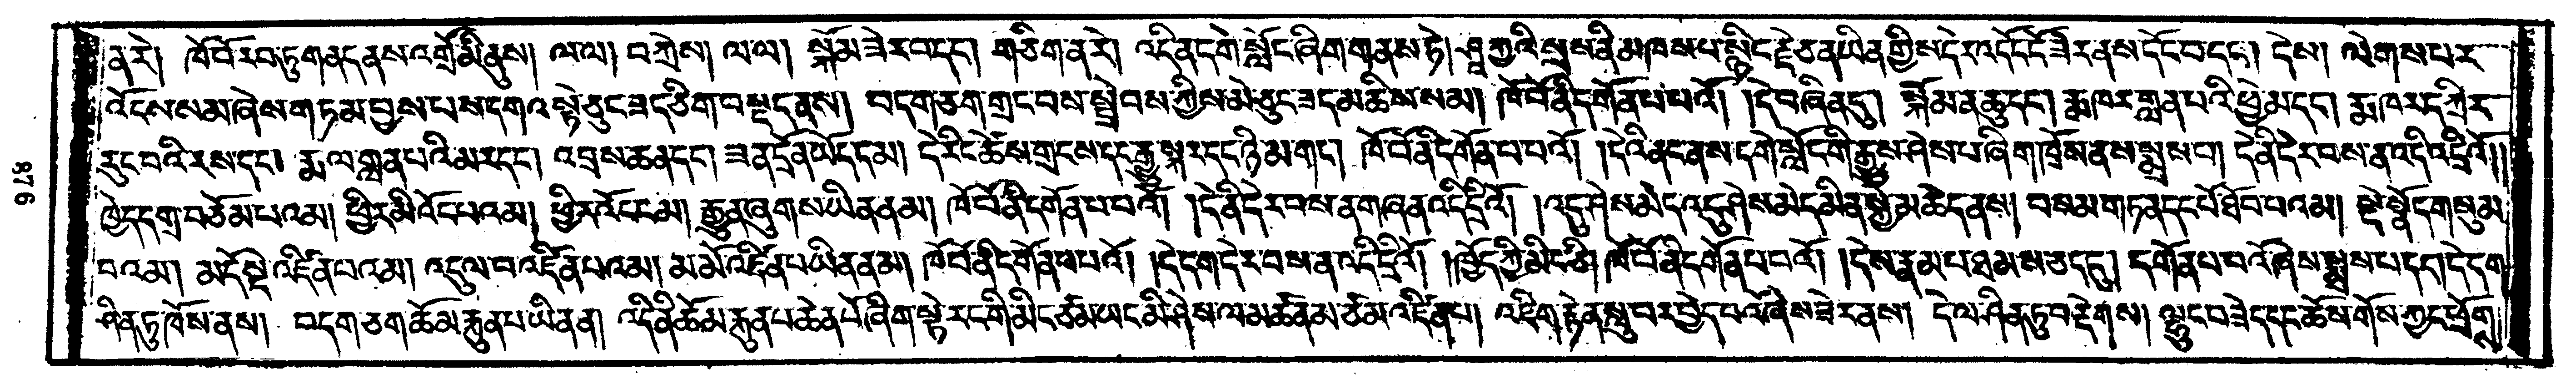ན་རེ། ཁོ་བོ་རབ་ཏུ་གནད་ནས་འགྲོ་མི་ནུས། ལ་ལ། བཀྲེས། ལ་ལ། སྐོམ་ཟེར་བ་དང་། གཅིག་ན་རེ། འདི་ན་དགེ་སློང་ཞིག་གནས་ཏེ། ཤཱཀྱའི་སྲས་ནི་མཁས་པ་སྙིང་རྗེ་ཅན་ཡིན་གྱིས་དེར་འདོད་ངོ་ཟེར་ནས་དོང་བ་དང་། དེས། ལེགས་པར་
འོངས་སམ་ཞེས་གཏམ་བྱས་པས་དགའ་སྟེ་ཅུང་ཟད་ཅིག་བསྡད་ནས། བདག་ཅག་གྲང་བས་སྦྲེབས་ཀྱིས་མེ་ཅུང་ཟད་མཆིས་སམ། ཁོ་བོ་ནི་དགོན་པ་པའོ། །དེ་བཞིན་དུ། སྐོམ་ན་ཆུ་དང་། རྨ་ཁར་གླན་པའི་ཕྱེ་མ་དང་། རྨ་ཁར་དཀྲིར་
རུང་བའི་རས་དང་། རྨལ་གླན་པའི་མར་དང་། འབྲས་ཆན་དང་། ཟན་དྲོན་ཡོད་དམ། དེ་རིང་ཚེས་གྲངས་དང་རྒྱུ་སྐར་དང་ཉི་མ་གང་། ཁོ་བོ་ནི་དགོན་པ་པའོ། །དེའི་ནང་ནས་དགེ་སློང་གི་རྒྱུས་ཤེས་པ་ཞིག་ཁྲོས་ནས་སྨྲས་པ། དེ་ནི་དེར་བས་ན་འདི་འདྲིའོ།།
ཁྱེད་དགྲ་བཅོམ་པའམ། ཕྱིར་མི་འོང་པའམ། ཕྱིར་འོང་དམ། རྒྱུན་ཞུགས་ཡིན་ནམ། ཁོ་བོ་ནི་དགོན་པ་པའོ། །དེ་ནི་དེར་བས་ན་གཞན་འདི་དྲིའོ། །འདུ་ཤེས་མེད་འདུ་ཤེས་མེད་མིན་སྐྱེ་མཆེད་ནས། བསམ་གཏན་དང་པོ་ཐོབ་པའམ། སྡེ་སྣོད་གསུམ་
བའམ། མདོ་སྡེ་འཛིན་པའམ། འདུལ་བ་འཛིན་པའམ། མ་མོ་འཛིན་པ་ཡིན་ནམ། ཁོ་བོ་ནི་དགོན་པ་པའོ། །དེ་དག་དེར་བས་ན་འདི་དྲིའོ། །ཁྱོད་ཀྱི་མིང་ཅི། ཁོ་བོ་ནི་དགོན་པ་པའོ། །དེས་རྣམ་པ་ཐམས་ཅད་དུ། དགོན་པ་པའོ་ཞེས་སྨྲས་པ་དང་། དེ་དག་
ཤིན་ཏུ་ཁོས་ནས། བདག་ཅག་ཆོམ་རྐུན་པ་ཡིན་ན། འདི་ནི་ཆོམ་རྐུན་པ་ཆེན་པོ་ཞིག་སྟེ་རང་གི་མིང་ཙམ་ཡང་མི་ཤེས་ལ་མཚན་མ་ཙམ་འཛིན་པ། འཇིག་རྟེན་སླུ་བར་བྱེད་པའོ་ཞེས་ཟེར་ནས། དེ་ལ་ཤིན་ཏུ་བརྡེགས། ལྷུང་བཟེད་དང་ཆོས་གོས་ཀྱང་ཕྲོགས།